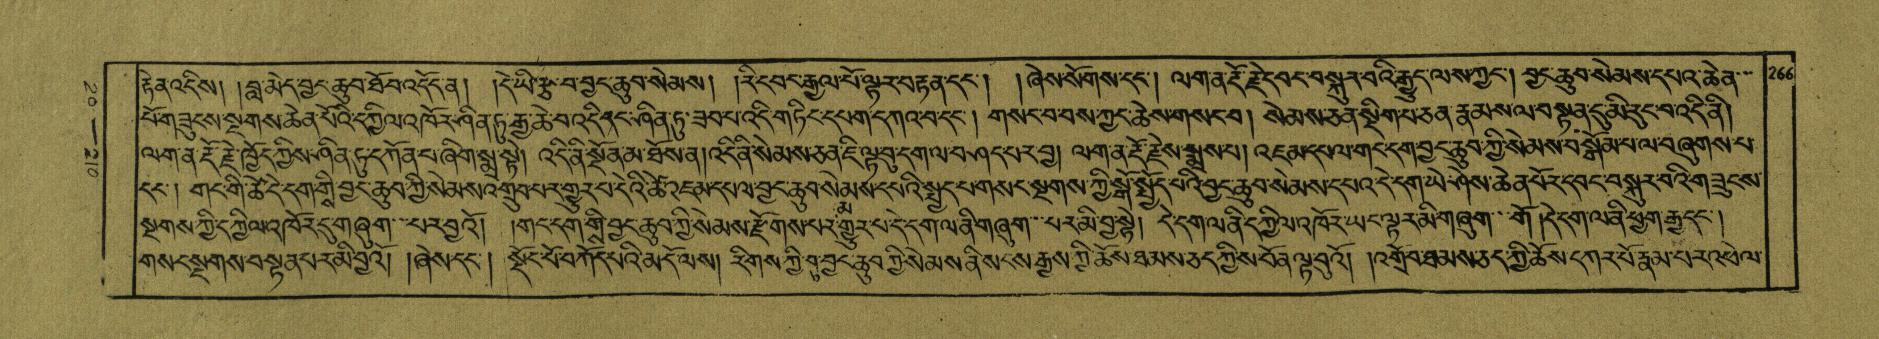རྟེན་འདིས། །བླ་མེད་བྱང་ཆུབ་ཐོབ་འདོད་ན། །དེ་ཡི་རྩ་བ་བྱང་ཆུབ་སེམས། །རི་དབང་རྒྱལ་པོ་ལྟར་བརྟན་དང་། །ཞེས་སོགས་དང་། ལག་ན་རྡོ་རྗེ་དབང་བསྐུར་བའི་རྒྱུད་ལས་ཀྱང་། བྱང་ཆུབ་སེམས་དཔའ་ཆེན་
པོ་གཟུངས་སྔགས་ཆེན་པོའི་དཀྱིལ་འཁོར་ཤིན་ཏུ་རྒྱ་ཆེ་བ་འདི་དང་ཤིན་ཏུ་ཟབ་པ་འདི་གཏིང་དཔག་དཀའ་བ་དང་། གསང་བ་བས་ཀྱང་ཆེས་གསང་བ། སེམས་ཅན་སྡིག་པ་ཅན་རྣམས་ལ་བསྟན་དུ་མི་རུང་བ་འདི་ནི།
ལག་ན་རྡོ་རྗེ་ཁྱོད་ཀྱིས་ཤིན་ཏུ་དཀོན་པ་ཞིག་སྨྲ་སྟེ། འདི་ནི་སྔོན་མ་ཐོས་ན། འདི་ནི་སེམས་ན་ཇི་ལྟ་བུ་དད་ལ་བཤད་པར་བྱ། ལག་ན་རྡོ་རྗེས་སྨྲས་པ། འཇམ་དཔལ་གང་དག་བྱང་ཆུབ་ཀྱི་སེམས་བསྒོམ་པ་ལ་བཞུགས་པ་
དང་། གང་གི་ཚེ་དེ་དག་གིས་བྱང་ཆུབ་ཀྱི་སེམས་འགྲུབ་པར་གྱུར་པ་དེའི་ཚེ་འཇམ་དཔལ་བྱང་ཆུབ་སེམས་དཔའི་སྤྱད་པ་གསང་སྔགས་ཀྱི་སྒོ་སྤྱོད་པའི་བྱང་ཆུབ་སེམས་དཔའ་དེ་དག་ཡེ་ཤེས་ཆེན་པོར་དབང་བསྐུར་བའི་གཟུངས་
སྔགས་ཀྱི་དཀྱིལ་འཁོར་དུ་གཞུག་པར་བྱའོ། །གང་དག་གིས་བྱང་ཆུབ་ཀྱི་སེམས་རྫོགས་པར་མ་གྱུར་པ་དེ་དག་ལ་ནི་གཞུག་པར་མི་བྱ་སྟེ། དེ་དག་ལ་ནི་དཀྱིལ་འཁོར་ཡང་ལྟར་མི་གཞུག་གོ །དེ་དག་ལ་ནི་ཕྱག་རྒྱ་དང་།
གསང་སྔགས་བསྟན་པར་མི་བྱའོ། །ཞེས་དང་། སྡོང་པོ་བཀོད་པའི་མདོ་ལས། རིགས་ཀྱི་བུ་བྱང་ཆུབ་ཀྱི་སེམས་ནི་སངས་རྒྱས་ཀྱི་ཆོས་ཐམས་ཅད་ཀྱི་ས་བོན་ལྟ་བུའོ། །འགྲོ་བ་ཐམས་ཅད་ཀྱི་ཆོས་དཀར་པོ་རྣམ་པར་འཕེལ་